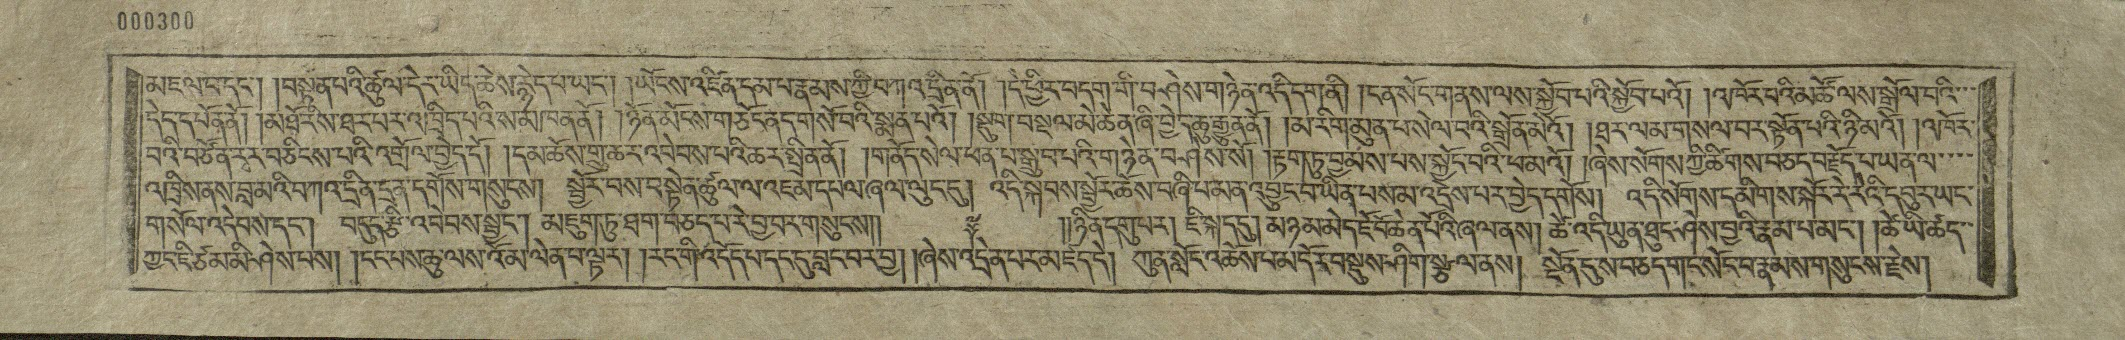མཇལ་བ་དང་། །བསྟན་པའི་ཚུལ་དེར་ཡིད་ཆེས་རྙེད་པ་ཡང་། །ཡོངས་འཛིན་དམ་པ་རྣམས་ཀྱི་བཀའ་དྲིན་ནོ། །དེ་ཕྱིར་བདག་གི་བཤེས་གཉེན་འདི་དག་ནི། །ངན་སོང་གནས་ལས་སྐྱོབ་པའི་སྐྱོབ་པའོ། །འཁོར་བའི་མཚོ་ལས་སྒྲོལ་བའི་
དེད་དཔོན་ནོ། །མཐོ་རིས་ཐར་པར་འཁྲིད་པའི་ས་མཁན་ནོ། །ཉོན་མོངས་གཅོད་ནད་གསོ་བའི་སྨན་པའོ། །སྡུག་བསྔལ་མེ་ཆེན་ཞི་བྱེད་ཆུ་རྒྱུན་ནོ། །མ་རིག་མུན་པ་སེལ་བའི་སྒྲོན་མེའོ། །ཐར་ལམ་གསལ་བར་སྟོན་པའི་ཉི་མའོ། །འཁོར་
བའི་བཙོན་རྭར་བཅིངས་པའི་འགྲོལ་བྱེད་དོ། །དམ་ཆོས་གྲུ་ཆར་འབེབས་པའི་ཆར་སྤྲིན་ནོ། །གནོད་སེལ་ཕན་པ་སྒྲུབ་པའི་གཉེན་བཤེས་སོ། །རྟག་ཏུ་བྱམས་པས་སྐྱོང་བའི་ཕ་མའོ། །ཞེས་སོགས་ཀྱི་ཚིགས་བཅད་བརྗོད་པ་ཡན་ལ་
འཁྲིས་ནས་བླ་མའི་བཀའ་དྲིན་དྲན་དགོས་གསུངས། སྦྱོར་བས་བསྟེན་ཚུལ་ལ་འཇམ་དཔལ་ཞལ་ལུང་དུ། འདི་སྐབས་སྦྱོར་ཆོས་བཞི་པ་མན་འབྱུང་བ་ཡིན་པས་མ་འདྲེས་པར་བྱེད་དགོས། འདི་སོགས་དམིགས་སྐོར་རེ་རེའི་དབུར་ཡང་
གསོལ་འདེབས་དང་། བདུད་རྩི་འབེབས་སྦྱང་། མཇུག་ཏུ་ཐག་བཅད་པ་རེ་བྱ་བར་གསུངས།། ༈ །།ཉིན་དགུ་པར། ཇི་སྐད་དུ། མཉམ་མེད་ཇོ་བོ་ཆེན་པོའི་ཞལ་ནས། ཚེ་འདི་ཡུན་ཐུང་ཤེས་བྱའི་རྣམ་པ་མང་། །ཚེ་ཡི་ཚད་
ཀྱང་ཇི་ཙམ་མི་ཤེས་པས། །ངང་པས་ཆུ་ལས་འོ་མ་ལེན་པ་ལྟར། །རང་གི་འདོད་པ་དང་དུ་བླང་བར་བྱ། །ཞེས་འདྲེན་པར་མཛད་དེ། ཀུན་སློང་འཆོས་པ་མདོར་བསྡུས་ཤིག་སྩལ་ནས། སྔོན་དུ་ས་བཅད་གང་སོང་བ་རྣམས་གསུངས་རྗེས།